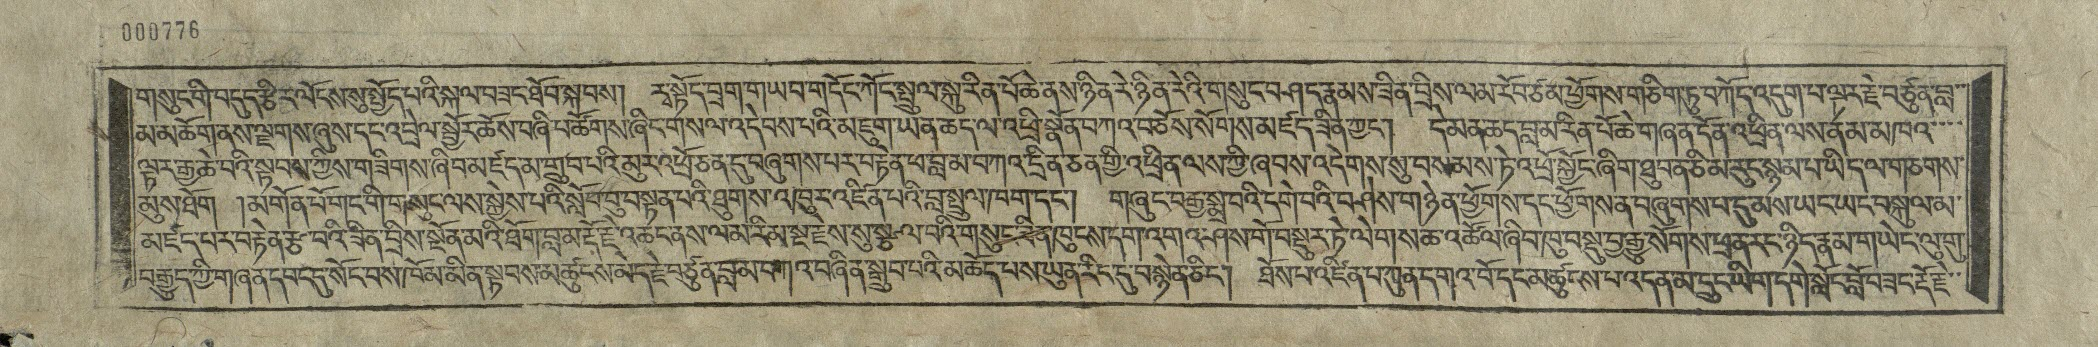གསུང་གི་བདུད་རྩིར་ལོངས་སུ་སྤྱོད་པའི་སྐལ་བཟང་ཐོབ་སྐབས། རྭ་སྟོད་བྲག་གཡབ་གདོང་ཀོང་སྤྲུལ་སྐུ་རིན་པོ་ཆེ་ནས་ཉིན་རེ་ཉིན་རེའི་གསུང་བཤད་རྣམས་ཟིན་བྲིས་ལམ་རོབ་ཙམ་ཕྱོགས་གཅིག་ཏུ་བཀོད་འདུག་པ་ལྟར་རྗེ་བཙུན་བླ་
མ་མཆོག་ནས་ལྗགས་ཞུས་དང་འབྲེལ་སྦྱོར་ཆོས་བཞི་པ་ཚོགས་ཞིང་གསལ་འདེབས་པའི་མཇུག་ཡན་ཆད་ལ་འཕྲི་སྣོན་བཀའ་བཅོས་སོགས་མཛད་ཟིན་ཀྱང་། དེ་མན་ཆད་བླ་མ་རིན་པོ་ཆེ་གཞན་དོན་འཕྲིན་ལས་ནམ་མཁའ་
ལྟར་རྒྱ་ཆེ་བའི་སྟབས་ཀྱིས་གཟིགས་ཞིབ་མཛད་མ་གྲུབ་པའི་མུར་འཕྲོ་ཅན་དུ་བཞུགས་པར་བརྟེན་ཕ་བླ་མ་བཀའ་དྲིན་ཅན་གྱི་འཕྲིན་ལས་ཀྱི་ཞབས་འདེགས་སུ་བསམས་ཏེ་འཕྲོ་སྐྱོང་ཞིག་ཐུབ་ན་ཅི་མ་རུང་སྙམ་པ་ཡིད་ལ་གཅགས་
མུས་ཐོག །མགོན་པོ་གང་གི་གསུང་ལས་སྐྱེས་པའི་སློབ་བུ་བསྟན་པའི་ཐུགས་འཁུར་འཛིན་པའི་བླ་སྤྲུལ་ཁག་དང་། གཞུང་བརྒྱ་སྨྲ་བའི་དགེ་བའི་བཤེས་གཉེན་ཕྱོགས་དང་ཕྱོགས་ན་བཞུགས་པ་དུ་མས་ཡང་ཡང་བསྐུལ་མ་
མཛད་པར་བརྟེན་རྩ་བའི་ཟིན་བྲིས་སྔོན་མའི་ཐོག་བླ་མ་རྡོ་རྗེ་འཆང་ནས་ལམ་རིམ་སྔ་རྗེས་སུ་སྩལ་བའི་གསུང་ཟིན་ཁུངས་དག་འགའ་ཤས་གོ་བསྡུར་ཏེ་ལེགས་ཆ་འཚོལ་ཞིབ་ཁུ་བསྡུ་བྱ་རྒྱུ་སོགས་ཕྲན་རང་ཉིད་རྣམ་གཡེང་ལུ་གུ་
བརྒྱུད་ཀྱི་གཞན་དབང་དུ་སོང་བས་ཁོམ་མིན་སྟབས་མཚུངས་མེད་རྗེ་བཙུན་བླ་མ་བཀའ་བཞིན་སྒྲུབ་པའི་མཆོད་པས་ཡུན་རིང་དུ་བསྙེན་ཅིང་། ཐོས་པ་འཛིན་པ་ཀུན་དགའ་བོ་དང་མཚུངས་པ་འདན་མ་དྲུང་ཡིག་དགེ་སློང་བློ་བཟང་རྡོ་རྗེ་